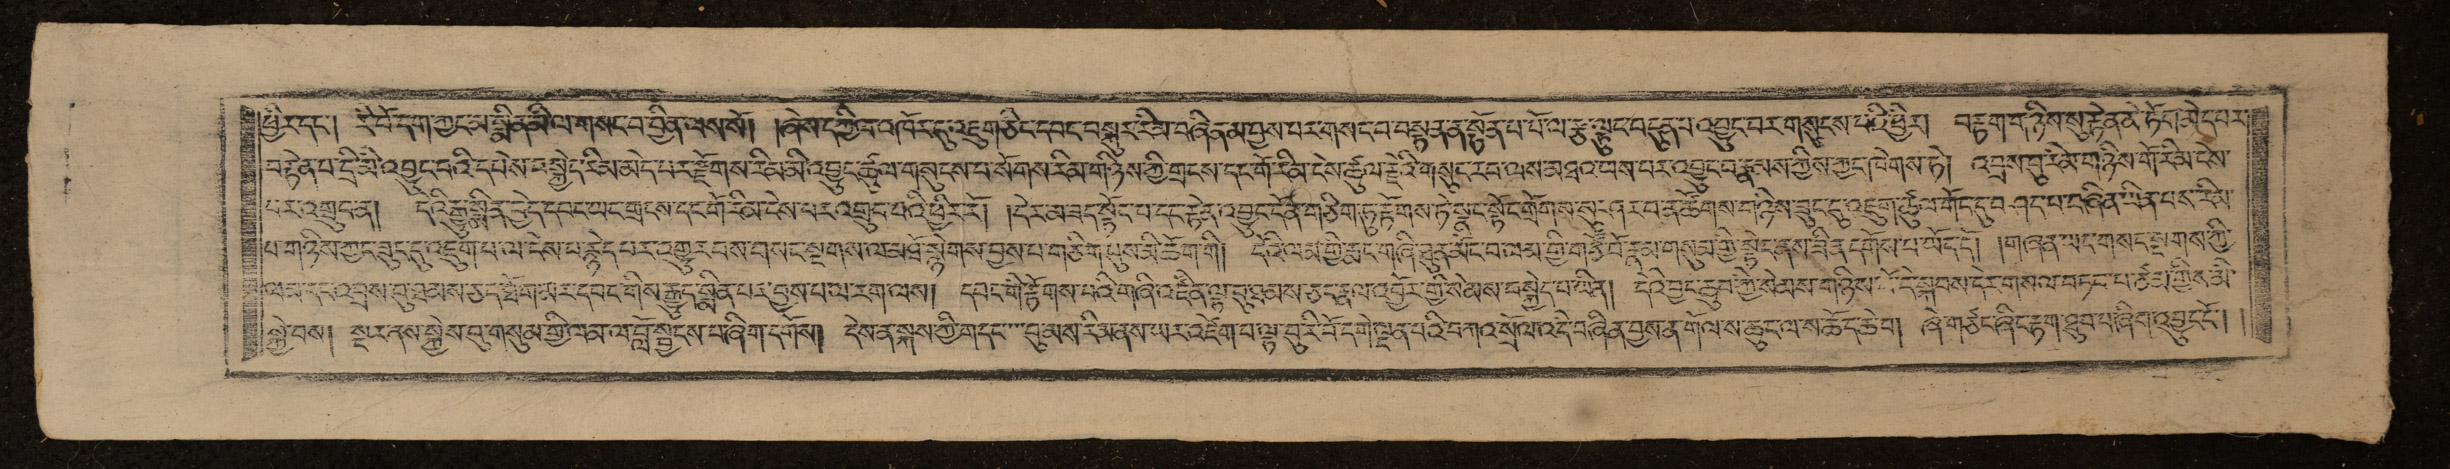ཕྱིར་དང་། རི་བོ་དག་ཀྱང་མ་སྨིན་མི་ལ་གསང་བ་བྱིན་ལས་སོ། །ཞེས་དཀྱིལ་འཁོར་དུ་འཇུག་ཅིང་དབང་བསྐུར་རིམ་བཞིན་མ་བྱས་པར་གསང་བ་བསྟན་ན་སྟོན་པ་པོ་ལ་རྩ་ལྟུང་བདུན་པ་འབྱུང་བར་གསུངས་པའི་ཕྱིར། བརྟག་གཉིས་སུ་རྟེན་མེ་ཏོག་མེད་པར་
བརྟེན་པ་དྲི་མི་འབྱུང་བའི་དཔེས་བསྐྱེད་རིམ་མེད་པར་རྫོགས་རིམ་མི་འབྱུང་ཚུལ་གསུངས་པ་སོགས་རིམ་གཉིས་ཀྱི་གྲངས་དང་གོ་རིམ་ངེས་ཚུལ་རྗེའི་གསུང་རབ་ལས་མཐའ་ཡས་པར་འབྱུང་བ་རྣམས་ཀྱིས་ཀྱང་ཁེགས་ཏེ། འབྲས་བུ་རིམ་གཉིས་གོ་རིམ་ངེས་
བར་འགྲུབ་ན། དེའི་རྒྱུ་སྨིན་བྱེད་དབང་ཡང་གྲངས་དང་གོ་རིམ་ངེས་བར་འགྲུབ་པའི་ཕྱིར་རོ། །དེར་མ་ཟད་སྟོང་པ་དང་རྟེན་འབྱུང་དོན་གཅིག་ཏུ་རྟོགས་ཏེ་སྣང་སྟོང་གྲོགས་སུ་ཤར་བ་ན་ཚོགས་གཉིས་ཟུང་དུ་འཇུག་ཚུལ་གོང་དུ་བཤད་པ་བཞིན་ཡིན་པས་རིམ་
པ་གཉིས་ཀྱང་ཟུང་དུ་འཇུག་པ་ལ་དེས་པ་རྙེད་པར་འགྱུར་བས་གསང་སྔགས་ལ་མཐོ་སྙེགས་བྱས་པ་གཅིག་པུས་མི་ཆོག་གི། དེའི་ལམ་གྱི་རྨང་གཞི་ཐུན་མོང་བ་ལམ་གྱི་གཙོ་བོ་རྣམ་གསུམ་གྱི་སྟེང་ནས་ཟིན་དགོས་པ་ཡོད་དོ། །གཞན་ཡང་གསང་སྔགས་ཀྱི་
ལམ་དང་འབྲས་བུ་ཐམས་ཅད་ཐོག་མར་དབང་གིས་རྒྱུད་སྨིན་པར་བྱས་པ་ལ་རག་ལས། དབང་གི་རྟོགས་པའི་གཞི་འཛིན་ལྟ་བུ་ཐམས་ཅད་རྣལ་འབྱོར་གྱི་སེམས་བསྐྱེད་པ་ཡིན། དེའི་བྱང་ཆུབ་ཀྱི་སེམས་གཉིས་པོ་དེ་སྐབས་དེར་གསལ་བཏབ་པ་ཙམ་གྱིས་མི་
སྐྱེ་བས། སྔར་ནས་སྐྱེས་བུ་གསུམ་གྱི་ལམ་ལ་བློ་སྦྱངས་བ་ཞིག་དགོས། དེས་ན་སྐས་ཀྱི་གདང་བུ་མས་རིམ་ནས་ཡར་འཛེག་པ་ལྟ་བུ་རི་བོ་དགེ་ལྡན་པའི་བཀའ་སྲོལ་འདི་བཞིན་བྱས་ན་གོ་ལས་ཆུང་ལས་ཆོད་ཆེ་བ། ཞེ་གཙང་ཞིང་རྟག་ཐུབ་པ་ཞིག་འབྱུང་ངོ། །